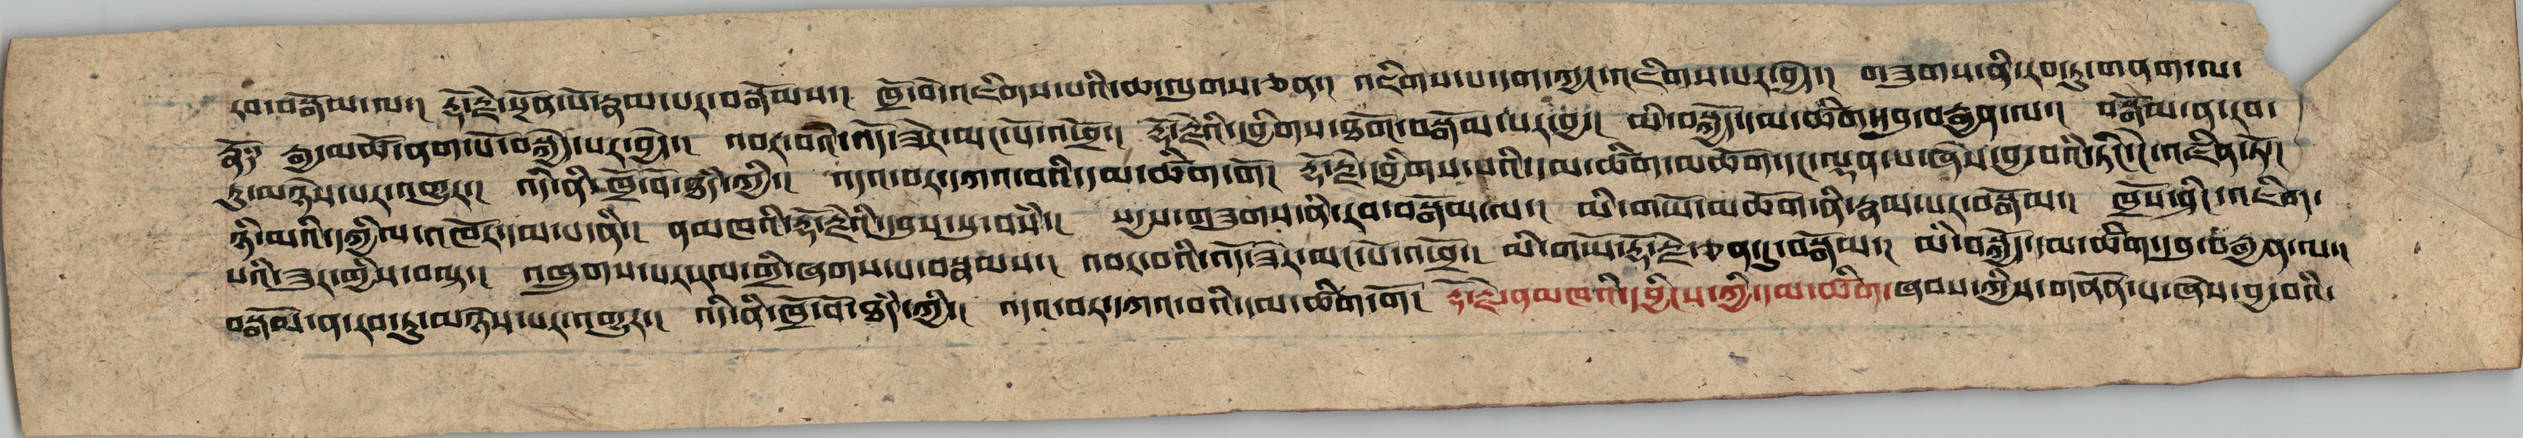རབ་བསྒོམ་ལ་། རྡོ་རྗེ་སྔོན་པོ་རྣམ་པར་བསྒོམས་། ཁྲོ་བོ་འཇིགས་པའི་ཆ་ལུགས་ཅན་། འཇིགས་པ་དག་ཀྱང་འཇིགས་པར་བྱེད་། གཟུགས་ནི་རབ་ཏུ་གནག་ལ་
རྣོ༑ རྒྱ་མཚོ་ནག་པོ་བསྐྱེད་པར་བྱེད་། འབར་བའི་འོད་ཟེར་མང་པོ་འཕྲོ་། རྡོ་རྗེའི་དབྱིགས་ཐོག་བསྒོམ་པར་བྱ་། མི་བསྐྱོད་དམ་ཚིག་དབུ་བརྒྱན་ལ་། བསྒོམ་ན་རབ་
ཏུ་མཉེས་པར་འགྱུར་། འདི་ནི་ཁྲོ་བོ་ཐཾད་ཀྱི་། འདའ་བར་དཀའ་བའི་དམ་ཚིག་གོ། རྡོ་རྗེ་དབྱིགས་པའི་དམ་ཚིག་མཆོག་དང་ལྡན་པ་ཞེས་བྱ་བའི་ཏིང་ངེ་འཛིན་ཏོ་།
ཉི་མའི་དཀྱིལ་འཁོར་དམ་པ་ནི་། ནམཁའི་རྡོ་རྗེའི་དབུས་སུ་བསཾ་། སདྱས་གཟུགས་ནི་རབ་བསྒོམ་ལ་། མི་གཡོ་མཆོག་ནི་རྣམ་པར་བསྒོམ་། ཁྲོས་ཤིང་འཇིག་
པའི་ཟུར་གྱིས་བལྟ་། འཁྲུགས་པར་རལ་གྲི་ཞགས་པ་བསྣམས་། འབར་བའི་འོད་ཟེར་མང་པོ་འཕྲོ་། མི་གཡོ་རྡོ་རྗེ་ཅན་དུ་བསྒོམ་། མི་བསྐྱོད་དམ་ཚིག་དབུ་བརྒྱན་ལ་།
བསྒོམ་ན་རབ་ཏུ་མཉེས་པར་འགྱུར་། འདི་ནི་ཁྲོ་བོ་ཐཾད་ཀྱི་། འདའ་བར་དཀའ་བའི་དམ་ཚིག་གོ་། རྡོ་རྗེ་ནམཁའི་དབྱིངས་ཀྱི་དམ་ཚིག་ཞབས་ཀྱིས་གནོན་པ་ཞེས་བྱ་བའི་